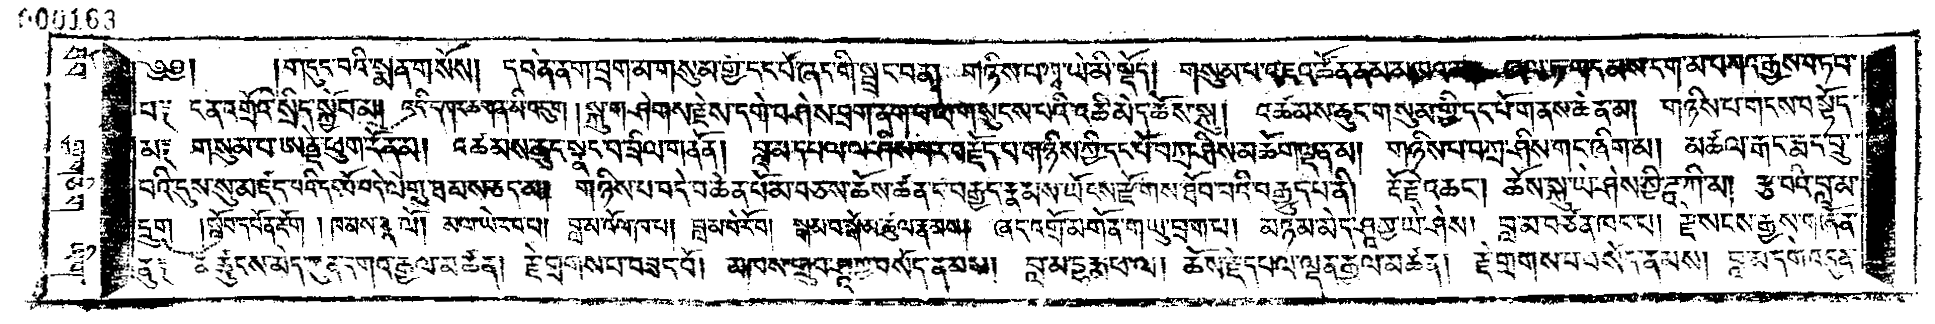༄༅། །གདུང་བའི་སྨན་གསོས། དབེན་ནག་བྲག་མ་གསུམ་གྱི་དང་པོ་ཞང་གི་སྦྲང་བ་ན། གཉིས་པ་ཀྭ་ཡེ་མི་སྡོད། གསུམ་པ་འཇའ་ཚོན་ནམ་མཁའ་མ། ཞལ་ཏ་གདམས་ངག་མ་བཀའ་རྒྱས་བཏབ་
པ༑ ངན་འགྲོའི་སྲིད་སྐྱོབ་མ། འདི་དཀར་ཆག་ན་མི་འདུག་།སྐུ་གཤེགས་རྗེས་དགེ་བཤེས་བྲག་ནག་པ་ལ་གསུངས་པའི་འཆི་མེད་ཆོས་སྐུ། འཚམས་ཆུང་གསུམ་གྱི་དང་པོ་གནས་ཆེན་མ། གཉིས་པ་གངས་བསྟོད་
མ༑ གསུམ་པ་ཨནྡེ་ཕུག་རོན་མ། འཚམས་ཆུང་སྣང་བ་ཟིལ་གནོན། བླ་མ་དཔལ་ལ་ཤིས་པར་བརྗོད་པ་གཉིས་ཀྱི་དང་པོ་བཀྲ་ཤིས་མཆོག་ལྡན་མ། གཉིས་པ་བཀྲ་ཤིས་གང་ཞིག་མ། མཚལ་རྒང་རྨད་བྲུ་
བའི་དུས་སུ་མཛད་པའི་དང་པོ་བདེ་ལེགས་ཐམས་ཅད་མ། གཉིས་པ་བདེ་བ་ཆེན་པོ་མ་བཅས་ཆོས་ཚན་ང་བརྒྱད་རྣམས་ཡོངས་རྫོགས་ཐོབ་པའི་བརྒྱུད་པ་ནི། རྡོ་རྗེ་འཆང་། ཆོས་སྐུ་ཡེ་ཤེས་ཀྱི་ཌཱ་ཀི་མ། རྩ་བའི་བླ་མ་
དྲུག་།སློབ་དཔོན་རྡོག །ཁམས༑ ལོ། མལ་ཡེར་བ་པ། བླ་མ་འོལ་ཁ་པ། བླ་མ་བེ་རོ་བ། སྒམ་བ་སྒོམ་ཚུལ་རྣམས།  ཞང་འགྲོ་མགོན་གཡུ་བྲག་པ། མཉམ་མེད་ཤཱཀྱ་ཡེ་ཤེས། བླ་མ་བཙན་ཁང་པ། རྗེ་སངས་རྒྱས་གཞོན་
ནུ༑ མཚུངས་མེད་ཀུན་དགའ་རྒྱལ་མཚན། རྗེ་གྲགས་པ་བཟང་པོ། མཁས་གྲུབ་ཤཱཀྱ་བསོད་ནམས། བླ་མ་དྷརྨ་ཕ་ལ། ཆོས་རྗེ་དཔལ་ལྡན་རྒྱལ་མཚན། རྗེ་གྲགས་པ་བསོད་ནམས། བླ་མ་དགེ་འདུན་